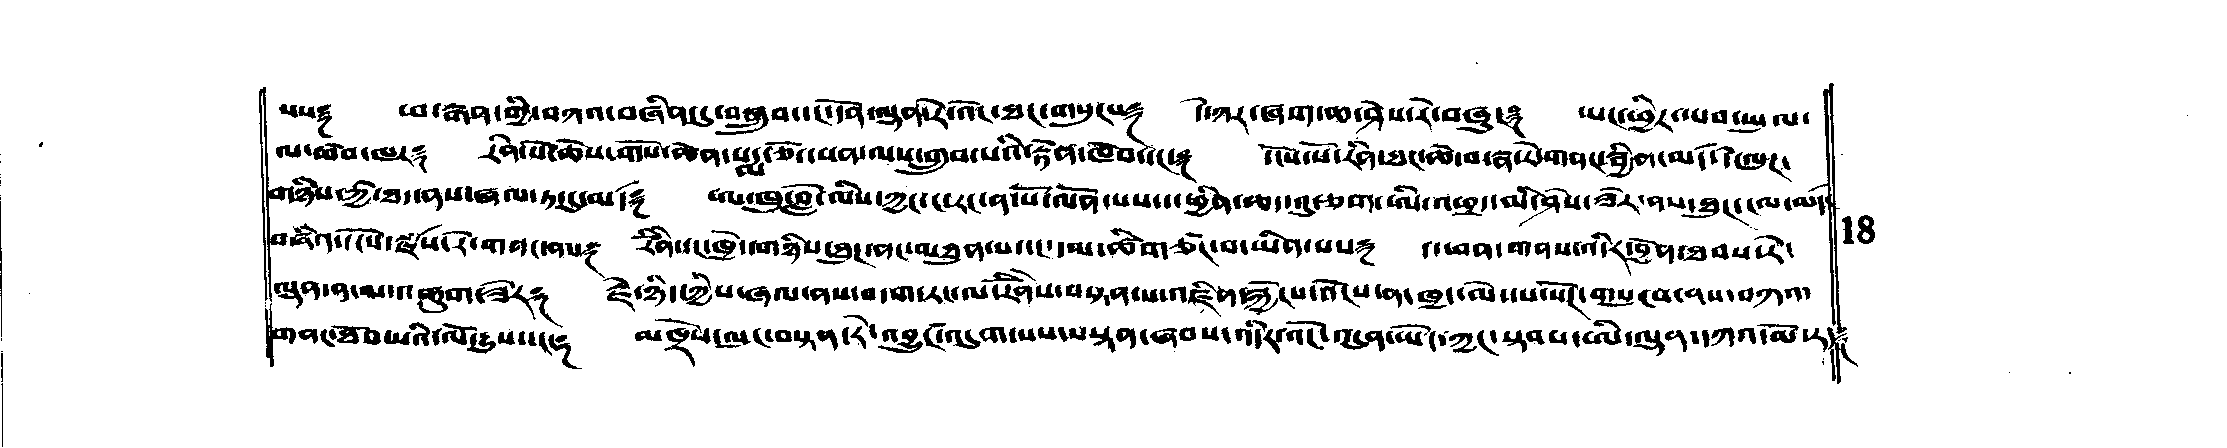པས། ཕ་རྒན་གྱི་བཀའ་བཞིན་དུ་བསྒྲུབ་དང་དོན་ལྡན་རེ་འོང་ཐང་གསུངས། དེ་ཀར་ཞག་ཆ་ཤས་རེ་བཞུགས། ཡང་ཕྱིར་ཡབ་ཡུལ་
ལ་ཚབ་ཁར། རིན་པོ་ཆེས་གོས་ཆེན་པདྨ་ཅོད་པན་ལས་གྲུབ་པའི་རྟེན་ཁེབ་དང་། དངོས་པོ་རིན་ཐང་ཆེ་བ་སྣ་རེ་གནང་སྦྱིན་མཛད་དེ་ལུགས་
གཉིས་ཀྱི་ཐད་ནས་ཞལ་ཏ་དུ་མ་མཛད། ཨ་ཁུ་བློ་ལིས་ཀྱང་ང་རང་ན་སོ་ལོན་པས་ད་ཕྱིན་ཆད་འུ་ཅག་ཨི་འཕྲད་མི་ཤེས་ཟེར་ནས་ཐུགས་ངལ་མཛད་
བཞིན་དངོས་རྫས་རེ་གནང་ནས།རིན་པོ་ཆེ་དང་ཁྱོད་གཉིས་ཐུགས་ནང་མཐུན་པ་དང་དམ་ཚིག་གཙང་བ་ཡིན་པས། ད་ཕན་གནས་འདིར་བྱོན་ཐབས་རེ་
ལྡན་ན་མ་འཆུག་ཟེར། རྗེ་ཉིད་ཀྱིས་ཞལ་ནས་བདག་རང་ལ་རིན་པོ་ཆེས་བསྟན་པ་འཛིན་སྐྱོང་འོངས་ན་ཁྱད་མེད་པ་སོགས་གསུངས་ནས་བཀའ་
གནང་ཐོབ་པའི་ལོ་རྒྱུས་དང་། མཁའ་འགྲོས་ལུང་བསྟན་རེ་འབྱུང་འདུག་པས་བསྟན་ཞབས་འདིར་འོང་འདུན་ཡོད་ཀྱང་སྟབས་ཨི་ལྡན་དཀའ་མོ་རེད།